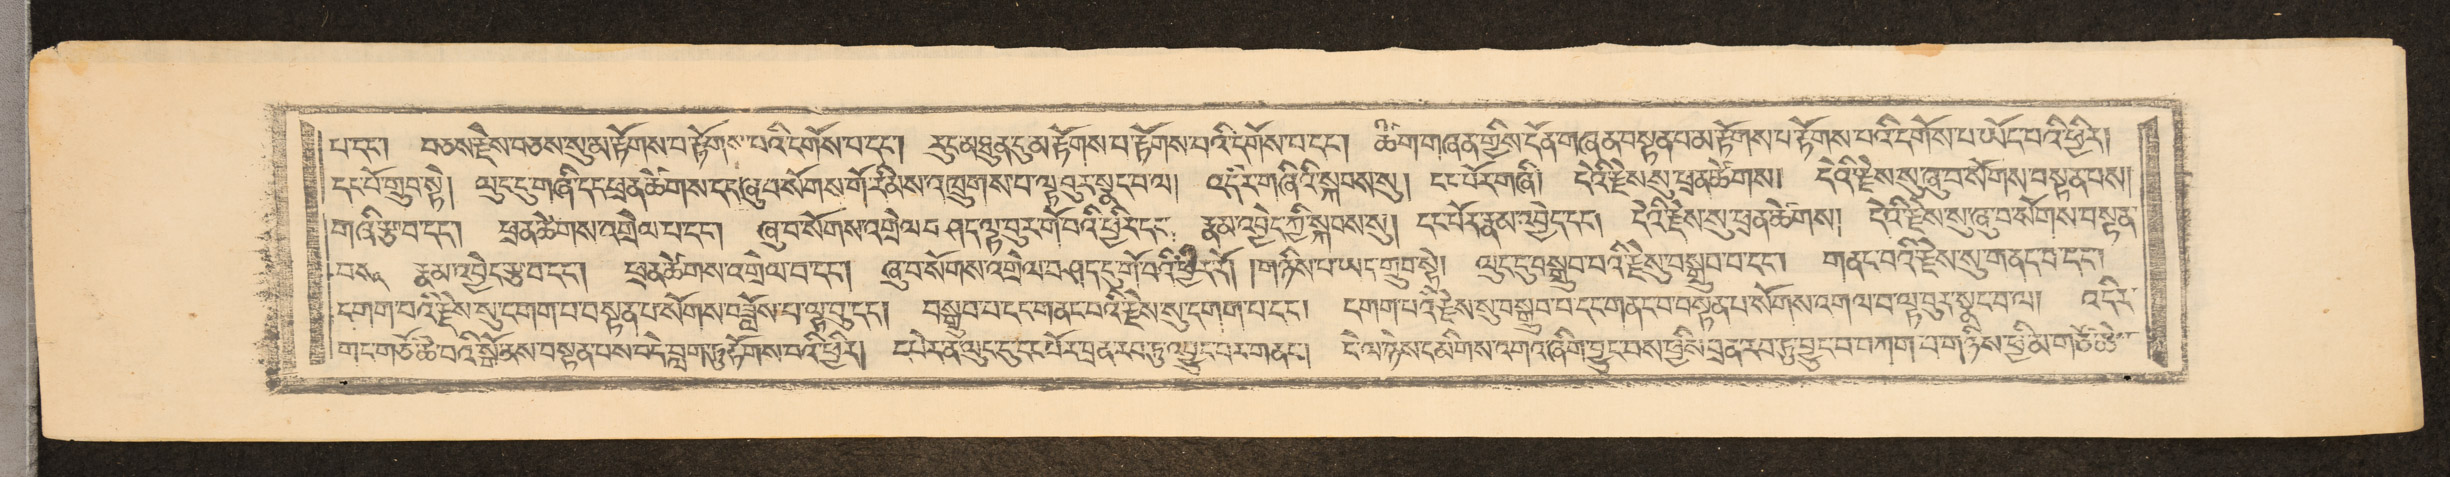པ་དང་། བཅས་རྗེས་བཅས་སུ་མ་རྟོགས་པ་རྟོགས་པའི་དགོས་པ་དང་། རུང་མཐུན་དུ་མ་རྟོགས་པ་རྟོགས་པའི་དགོས་པ་དང་། ཚིག་གཞན་གྱིས་དོན་གཞན་བསྟན་པ་མ་རྟོགས་པ་རྟོགས་པའི་དགོས་པ་ཡོད་པའི་ཕྱིར།
དང་པོ་གྲུབ་སྟེ། ལུང་དུ་གཞི་དང་ཕྲན་ཚེགས་དང་ཞུ་བ་སོགས་གོ་རིམས་འཁྲུགས་པ་ལྟ་བུར་སྣང་བ་ལ། འདིར་གཞིའི་སྐབས་སུ། དང་པོར་གཞི། དེའི་རྗེས་སུ་ཕྲན་ཚེགས། དེའི་རྗེས་སུ་ཞུ་བ་སོགས་བསྟན་པས།
གཞི་རྩ་བ་དང་། ཕྲན་ཚེགས་འགྲེལ་པ་དང་། ཞུ་བ་སོགས་འགྲེལ་བཤད་ལྟ་བུར་གོ་བའི་ཕྱིར་དང་། རྣམ་འབྱེད་ཀྱི་སྐབས་སུ། དང་པོར་རྣམ་འབྱེད་དང་། དེའི་རྗེས་སུ་ཕྲན་ཚེགས། དེའི་རྗེས་སུ་ཞུ་བ་སོགས་བསྟན་
པས༑ རྣམ་འབྱེད་རྩ་བ་དང་། ཕྲན་ཚེགས་འགྲེལ་བ་དང་། ཞུ་བ་སོགས་འགྲེལ་བཤད་དུ་གོ་བའི་ཕྱིར་རོ། །གཉིས་པ་ཡང་གྲུབ་སྟེ། ལུང་དུ་བསྒྲུབ་པའི་རྗེས་སུ་བསྒྲུབ་པ་དང་། གནང་བའི་རྗེས་སུ་གནང་བ་དང་།
དགག་པའི་རྗེས་སུ་དགག་པ་བསྟན་པ་སོགས་བཟློས་པ་ལྟ་བུ་དང་། བསྒྲུབ་པ་དང་གནང་བའི་རྗེས་སུ་དགག་པ་དང་། དགག་པའི་རྗེས་སུ་བསྒྲུབ་པ་དང་གནང་བ་བསྟན་པ་སོགས་འགལ་བ་ལྟ་བུར་སྣང་བ་ལ། འདིར་
གང་གཙོ་ཆེ་བའི་སྒོ་ནས་བསྟན་པས་བདེ་བླག་ཏུ་རྟོགས་པའི་ཕྱིར། དཔེར་ན་ལུང་དུ་དང་པོར་བྲན་རབ་ཏུ་འབྱུང་བར་གནང་། དེ་ལ་ཉེས་དམིགས་འགའ་ཞིག་བྱུང་བས་ཕྱིས་བྲན་རབ་ཏུ་བྱུང་བ་བཀག་པ་གཉིས་ཕྱི་མ་གཙོ་ཆེ་